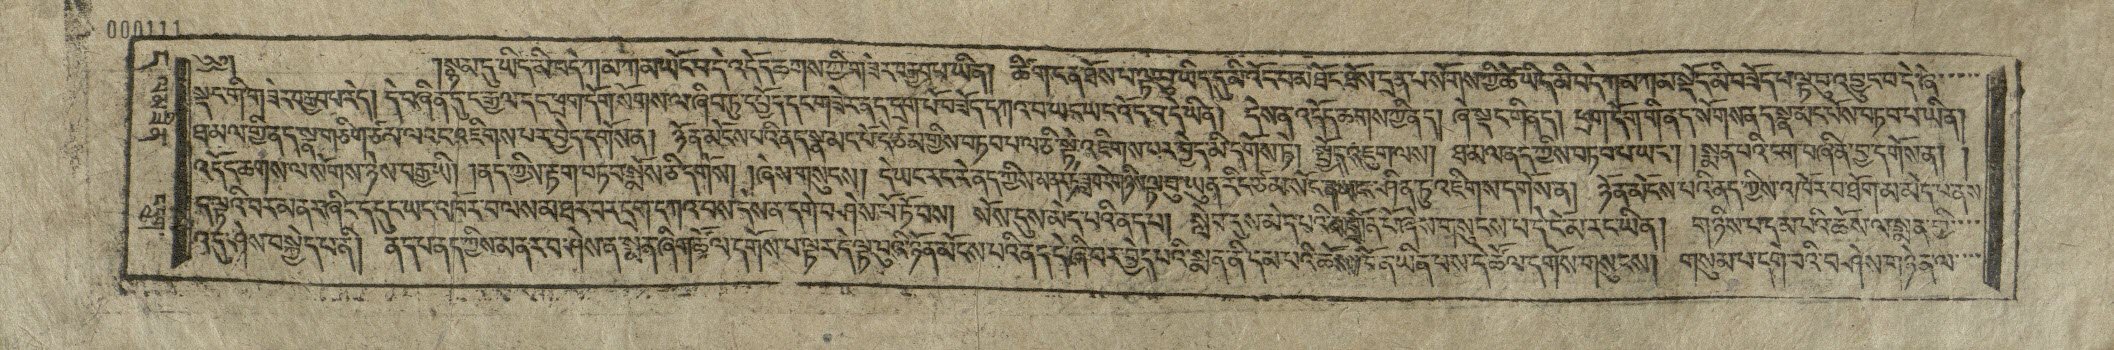༄༅། །སྙམ་དུ་ཡིད་མི་བདེ་ཀམ་ཀ་མ་ཡོང་བ་དེ་འདོད་ཆགས་ཀྱི་གཟེར་བརྒྱབ་པ་ཡིན། ཚིག་ངན་ཐོས་པ་ལྟ་བུ་ཡིད་དུ་མི་འོང་བ་མཐོང་ཐོས་དྲན་པ་སོགས་ཀྱི་ཚེ་ཡིད་མི་བདེ་ཀམ་ཀམ་སྡོད་མི་བཟོད་པ་ལྟ་བུ་འབྱུང་བ་དེ་ཞེ་
སྡང་གི་གཟེར་བརྒྱབ་པ་རེད། དེ་བཞིན་དུ་ང་རྒྱལ་དང་ཕྲག་དོག་སོགས་ལ་ཞིབ་ཏུ་དཔྱོད་དང་གཟེར་ནད་དྲག་པོ་བཟོད་དཀའ་བ་ཡང་ཡང་འོང་བ་དེ་ཡིན། དེས་ན་འདོད་ཆགས་ཀྱི་ནད། ཞེ་སྡང་གི་ནད། ཕྲག་དོག་གི་ནད་སོགས་ནད་སྣ་མང་པོས་བཏབ་པ་ཡིན།
ཐ་མལ་གྱི་ནད་སྣ་གཅིག་ཙམ་ལའང་འཇིགས་པར་བྱེད་དགོས་ན། ཉོན་མོངས་པའི་ནད་སྣ་མང་པོ་དེ་ཙམ་གྱིས་བཏབ་པ་ལ་ཅི་སྟེ་འཇིགས་པར་བྱེད་མི་དགོས་ཏེ། སྤྱོད་འཇུག་ལས། ཐ་མལ་ནད་ཀྱིས་བཏབ་པ་ཡང་། །སྨན་པའི་ངག་བཞིན་བྱ་དགོས་ན། །
འདོད་ཆགས་ལ་སོགས་ཉེས་བརྒྱ་ཡི། །ནད་ཀྱིས་རྟག་བཏབ་སྨོས་ཅི་དགོས། །ཞེས་གསུངས། དེ་ཡང་རང་རེ་ནད་ཀྱིས་མནར་ཏེ་ཟླ་བ་རེ་གཉིས་ལྟ་བུ་ཡུན་རིང་ཙམ་སོང་ན་ཡང་ཤིན་ཏུ་འཇིགས་དགོས་ན། ཉོན་མོངས་པའི་ནད་ཀྱིས་འཁོར་བ་ཐོག་མ་མེད་པ་ནས་
ད་ལྟའི་བར་མནར་ཞིང་ད་དུང་ཡང་འཁོར་བ་ལས་མ་ཐར་བར་དྲག་དཀའ་བས་དེས་ན་དགེ་བཤེས་པོ་ཏོ་བས། སོས་དུས་མེད་པའི་ནད་པ། སླེབ་དུས་མེད་པའི་མགྲོན་པོ་ཞེས་གསུངས་པ་དེ་ངོ་མ་རང་ཡིན། གཉིས་པ་དམ་པའི་ཆོས་ལ་སྨན་གྱི་
འདུ་ཤེས་བསྐྱེད་པ་ནི། ནད་པ་ནད་ཀྱིས་མནར་བ་ཤེས་ན་སྨན་ཞིག་ཚོལ་དགོས་པ་ལྟར་དེ་ལྟ་བུའི་ཉོན་མོངས་པའི་ནད་དེ་ཞི་བར་བྱེད་པའི་སྨན་ནི་དམ་པའི་ཆོས་ཁོ་ན་ཡིན་པས་དེ་ཚོལ་དགོས་གསུངས། གསུམ་པ་དགེ་བའི་བཤེས་གཉེན་ལ་